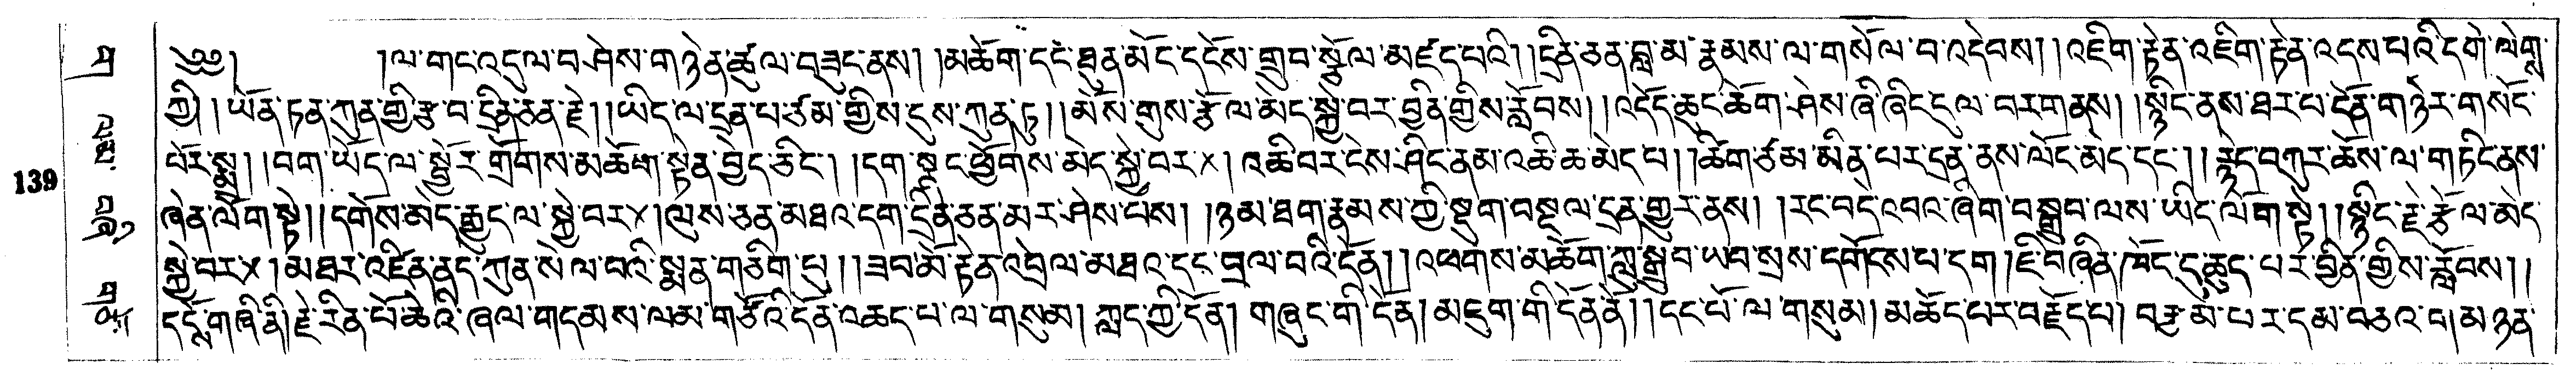༄༅། །ལ་གང་འདུལ་བཤེས་གཉེན་ཚུལ་བཟུང་ནས། །མཆོག་དང་ཐུན་མོང་དངོས་གྲུབ་སྩོལ་མཛད་པའི། །དྲིན་ཅན་བླ་མ་རྣམས་ལ་གསོལ་བ་འདེབས། །འཇིག་རྟེན་འཇིག་རྟེན་འདས་པའི་དགེ་ལེགས་
ཀྱི། །ཡོན་ཏན་ཀུན་གྱི་རྩ་བ་དྲིན་ཅན་རྗེ། །ཡིད་ལ་དྲན་པ་ཙམ་གྱིས་དུས་ཀུན་ཏུ། །མོས་གུས་རྩོལ་མེད་སྐྱེ་བར་བྱིན་གྱིས་རློབས། །འདོད་ཆུང་ཆོག་ཤེས་ཞི་ཞིང་དུལ་བར་གནས། །སྙིང་ནས་ཐར་པ་དོན་གཉེར་གསོང་
པོར་སྨྲ། །བག་ཡོད་ལ་སྦྱོར་གྲོགས་མཆོག་སྟེན་བྱེད་ཅིང་། །དག་སྣང་ཕྱོགས་མེད་སྐྱེ་བར་྾། འཆི་བར་ངེས་ཤིང་ནམ་འཆི་ཆ་མེད་པ། །ཚིག་ཙམ་མིན་པར་དྲན་ནས་ལོང་མེད་དང་། །རྙེད་བཀུར་ཆོས་ལ་གཏིང་ནས་
ཞེན་ལོག་སྟེ། །དགོས་མེད་རྒྱུད་ལ་སྐྱེ་བར་྾། ལུས་ཅན་མཐའ་དག་དྲིན་ཅན་མར་ཤེས་པས། །ཉམ་ཐག་རྣམས་ཀྱི་སྡུག་བསྔལ་དྲན་གྱུར་ནས། །རང་བདེ་འབའ་ཞིག་བསྒྲུབ་ལས་ཡིད་ལོག་སྟེ། །སྙིང་རྗེ་རྩོལ་མེད་
སྐྱེ་བར་྾། མཐར་འཛིན་ནད་ཀུན་སེལ་བའི་སྨན་གཅིག་པུ། །ཟབ་མོ་རྟེན་འབྲེལ་མཐའ་དང་བྲལ་བའི་དོན། །འཕགས་མཆོག་ཀླུ་སྒྲུབ་ཡབ་སྲས་དགོངས་པ་དག །ཇི་བཞིན་ཁོང་དུ་ཆུད་པར་བྱིན་གྱིས་རློབས། །
དངོས་གཞི་ནི། རྗེ་རིན་པོ་ཆེའི་ཞལ་གདམས་ལམ་གཙོའི་དོན་འཆད་པ་ལ་གསུམ། ཀླད་ཀྱི་དོན། གཞུང་གི་དོན། མཇུག་གི་དོན་ནོ། །དང་པོ་ལ་གསུམ། མཆོད་པར་བརྗོད་པ། བརྩམ་པར་དམ་བཅའ་བ། མཉན་